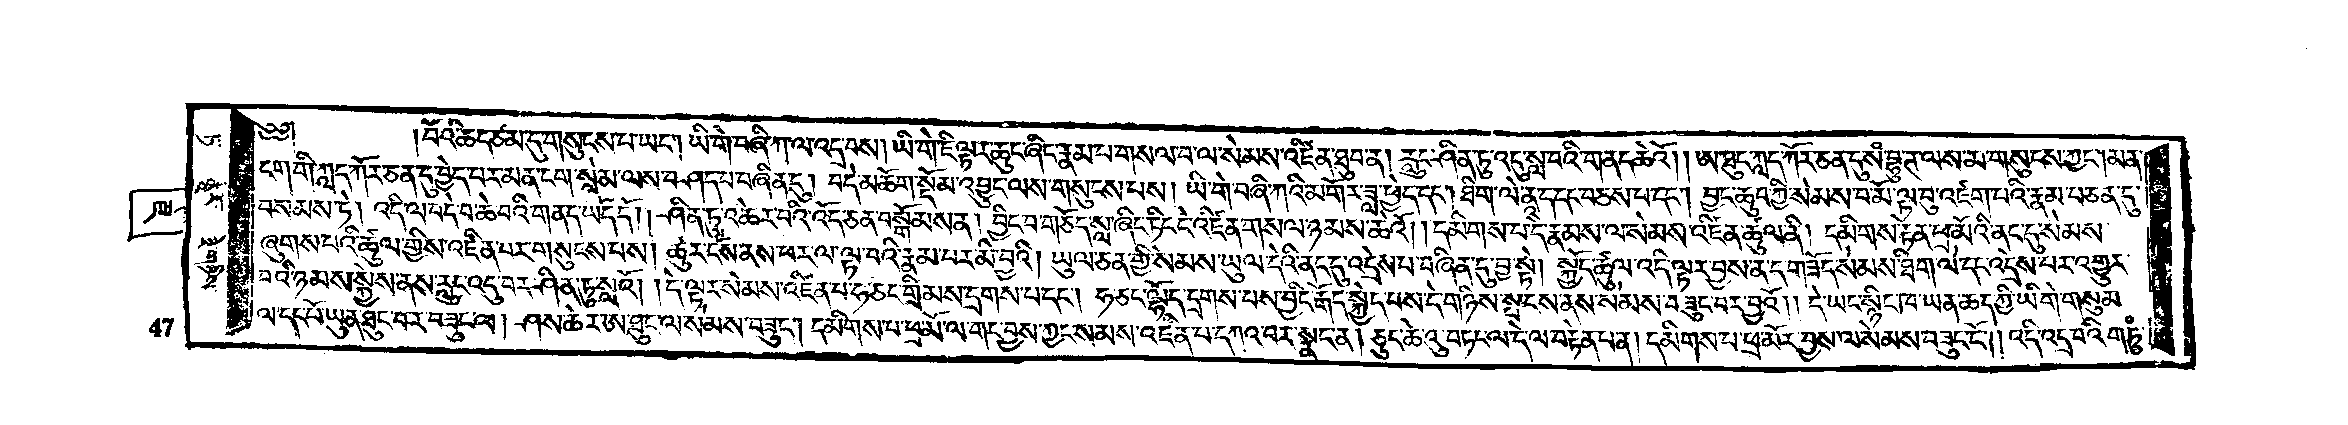༄༅། །པོའི་ཆད་ཙམ་དུ་གསུངས་པ་ཡང་། ཡི་གེ་བཞི་ཀ་ལ་འདྲ་བས། ཡི་གེ་ཇི་ལྟར་ཆུང་ཞིང་རྣམ་པ་གསལ་བ་ལ་སེམས་འཛིན་ཐུབ་ན། རླུང་ཤིན་ཏུ་འདུ་སླ་བའི་གནད་ཆེའོ། །ཨ་ཐུང་ཀླད་ཀོར་ཅན་དུ་སཾ་བྷུ་ཊ་ལས་མ་གསུངས་ཀྱང་། མན་
ངག་གི་ཀླད་ཀོར་ཅན་དུ་བྱེད་པར་མན་ངག་སྙེ་མ་ལས་བཤད་པ་བཞིན་དུ། བདེ་མཆོག་སྡོམ་འབྱུང་ལས་གསུངས་པས། ཡི་གེ་བཞི་ཀའི་མགོར་ཟླ་ཕྱེད་དང་། ཐིག་ལེ་ནཱ་ད་དང་བཅས་པ་དང་། བྱང་ཆུབ་ཀྱི་སེམས་པ་མོ་ལྟ་བུ་འཛག་པའི་རྣམ་པ་ཅན་དུ་
བསམས་ཏེ། འདི་ལ་བདེ་བ་ཆེ་བའི་གནད་ཡོད་དོ། །ཤིན་ཏུ་འཚེར་བའི་འོད་ཅན་བསྒོམས་ན། བྱིང་བ་གཅོད་སླ་ཞིང་ཏིང་ངེ་འཛིན་གསལ་ཉམས་ཆེའོ། །དམིགས་པ་དེ་རྣམས་ལ་སེམས་འཛིན་ཚུལ་ནི། དམིགས་རྟེན་ཕྲ་མོའི་ནང་དུ་སེམས་
ཞུགས་པའི་ཚུལ་གྱིས་འཛིན་པར་གསུངས་པས། ཚུར་ངོས་ནས་ཕར་ལ་ལྟ་བའི་རྣམ་པར་མི་བྱའི། ཡུལ་ཅན་གྱི་སེམས་ཡུལ་དེའི་ནང་དུ་འདྲེས་པ་བཞིན་དུ་བྱ་སྟེ། སྐྱོད་ཚུལ་འདི་ལྟར་བྱས་ན་ད་གཟོད་སེམས་ཐིག་ལེ་དང་འདྲེས་པར་འགྱུར་
བའི་ཉམས་སྐྱེས་ནས་རླུང་འདུ་བར་ཤིན་ཏུ་སླའོ། །དེ་ལྟར་སེམས་འཛིན་པ་ཧ་ཅང་གྲིམས་དྲགས་པ་དང་། ཧ་ཅང་ལྷོད་དྲགས་པས་བྱིང་རྒོད་སྐྱེད་པས་དེ་གཉིས་སྤངས་ནས་སེམས་བཟུང་བར་བྱའོ། །དེ་ཡང་སྙིང་ཁ་ཡན་ཆད་ཀྱི་ཡི་གེ་གསུམ་
ལ་དང་པོ་ཡུན་ཐུང་བར་བཟུང་ལ། ཤས་ཆེར་ཨ་ཐུང་ལ་སེམས་བཟུང་། དམིགས་པ་ཕྲ་མོ་ལ་གང་བྱས་ཀྱང་སེམས་འཛིན་པ་དཀའ་བར་སྣང་ན། ཅུང་ཆེ་རུ་བཏང་ལ་དེ་ལ་བརྟེན་པ་ན། དམིགས་པ་ཕྲ་མོར་བྱས་ལ་སེམས་བཟུང་ངོ། །འདི་འདྲ་བའི་གཏུཾ་